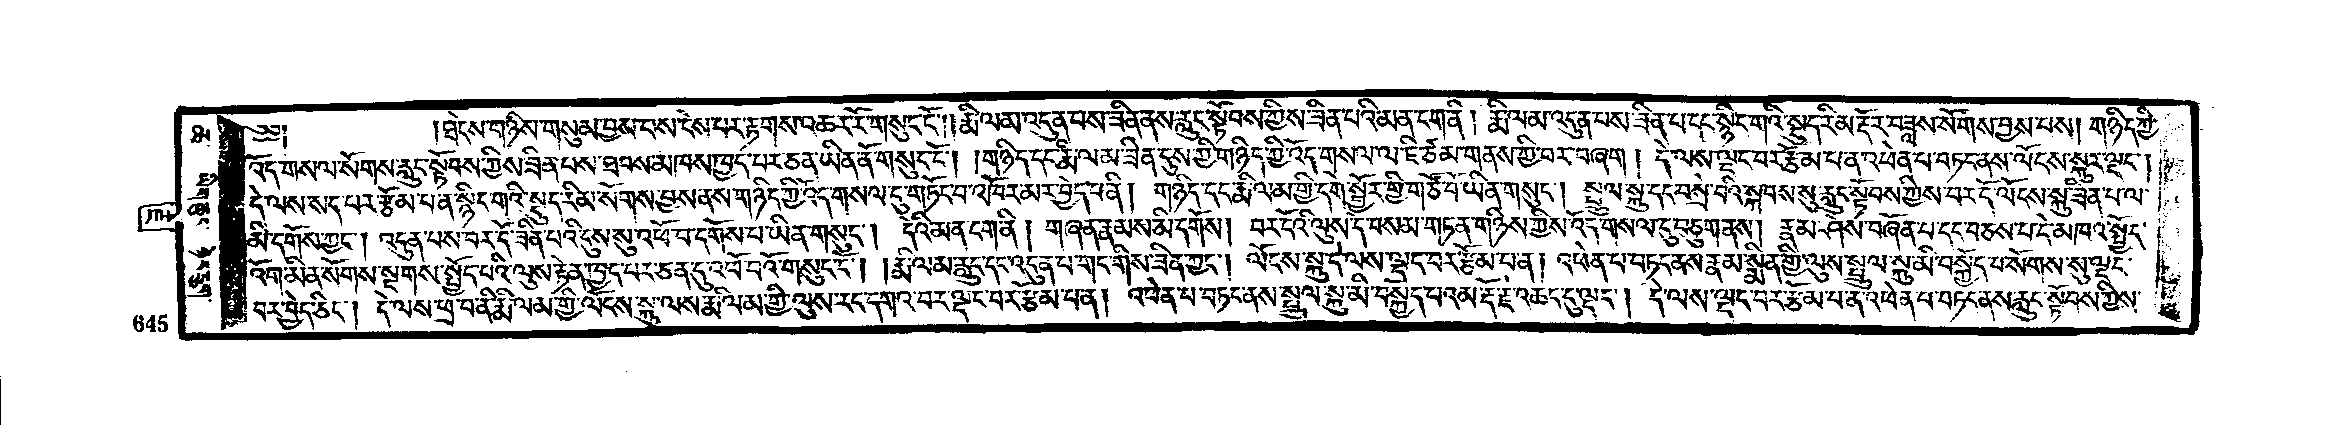༄༅། །ཐངས་གཉིས་གསུམ་བྱས་པས་ངེས་པར་རྟགས་འཆར་རོ་གསུང་ངོ། །རྨི་ལམ་དུ་འདུན་པས་ཟིན་ནས་རླུང་སྟོབས་ཀྱིས་ཟིན་པའི་མན་ངག་ནི། རྨི་ལམ་འདུན་པས་ཟིན་པ་དང་སྙིང་གའི་སྡུད་རིམ་རྡོར་བཟླས་སོགས་བྱས་པས། གཉིད་ཀྱི་
འོད་གསལ་སོགས་རླུང་སྟོབས་ཀྱིས་ཟིན་པས་ཐབས་མཁས་ཁྱད་པར་ཅན་ཡིན་ནོ་གསུང་ངོ། །གཉིད་དང་རྨི་ལམ་ཟིན་དུས་ཀྱི་གཉིད་ཀྱི་འོད་གསལ་ལ་ཇི་ཙམ་གནས་ཀྱི་བར་བཞག །དེ་ལས་ལྡང་བར་རྩོམ་པ་ན་འཕེན་པ་བཏང་ནས་ལོངས་སྐུར་ལྡང་།
དེ་ལས་སད་པར་རྩོམ་པ་ན་སྙིང་གའི་སྡུད་རིམ་སོགས་བྱས་ནས་གཉིད་ཀྱི་འོད་གསལ་དུ་གཏོང་བ་འཁོར་མར་བྱེད་པ་ནི། གཉིད་དང་རྨི་ལམ་གྱི་དགེ་སྦྱོར་གྱི་གཙོ་བོ་ཡིན་གསུང་། སྤྲུལ་སྐུ་དང་བསྲེ་བའི་སྐབས་སུ་རླུང་སྟོབས་ཀྱིས་བར་དོ་ལོངས་སྐུ་ཟིན་པ་ལ་
མི་དགོས་ཀྱང་། འདུན་པས་བར་དོ་ཟིན་པའི་དུས་སུ་འཕོ་བ་དགོས་པ་ཡིན་གསུང་། དེའི་མན་ངག་ནི། གཞན་རྣམས་མི་དགོས། བར་དོའི་ལུས་དེ་བསམ་གཏན་གཉིས་ཀྱིས་འོད་གསལ་དུ་བཅུག་ནས། རྣམ་ཤེས་བཞོན་པ་དང་བཅས་པ་དེ་མཁའ་སྤྱོད་
འོག་མིན་སོགས་སྔགས་སྤྱོད་པའི་ལུས་རྟེན་ཁྱད་པར་ཅན་དུ་འཕོ་བའོ་གསུང་ངོ། །རྨི་ལམ་རླུང་དང་འདུན་པ་གང་གིས་ཟིན་ཀྱང་། ལོངས་སྐུ་དེ་ལས་ལྡང་བར་རྩོམ་པ་ན། འཕེན་པ་བཏང་ནས་རྣམ་སྨིན་གྱི་ལུས་སྤྲུལ་སྐུ་མི་བསྐྱོད་པ་སོགས་སུ་ལྡང་
བར་བྱེད་ཅིང་། དེ་ལས་ཕྲ་བ་ནི་རྨི་ལམ་གྱི་ལོངས་སྐུ་ལས་རྨི་ལམ་གྱི་ལུས་རང་དགའ་བར་ལྡང་བར་རྩོམ་པ་ན། འཕེན་པ་བཏང་ནས་སྤྲུལ་སྐུ་མི་བསྐྱོད་པའམ་རྡོ་རྗེ་འཆང་དུ་ལྡང་། དེ་ལས་ལྡང་བར་རྩོམ་པ་ན་འཕེན་པ་བཏང་ནས་རླུང་སྟོབས་ཀྱིས་